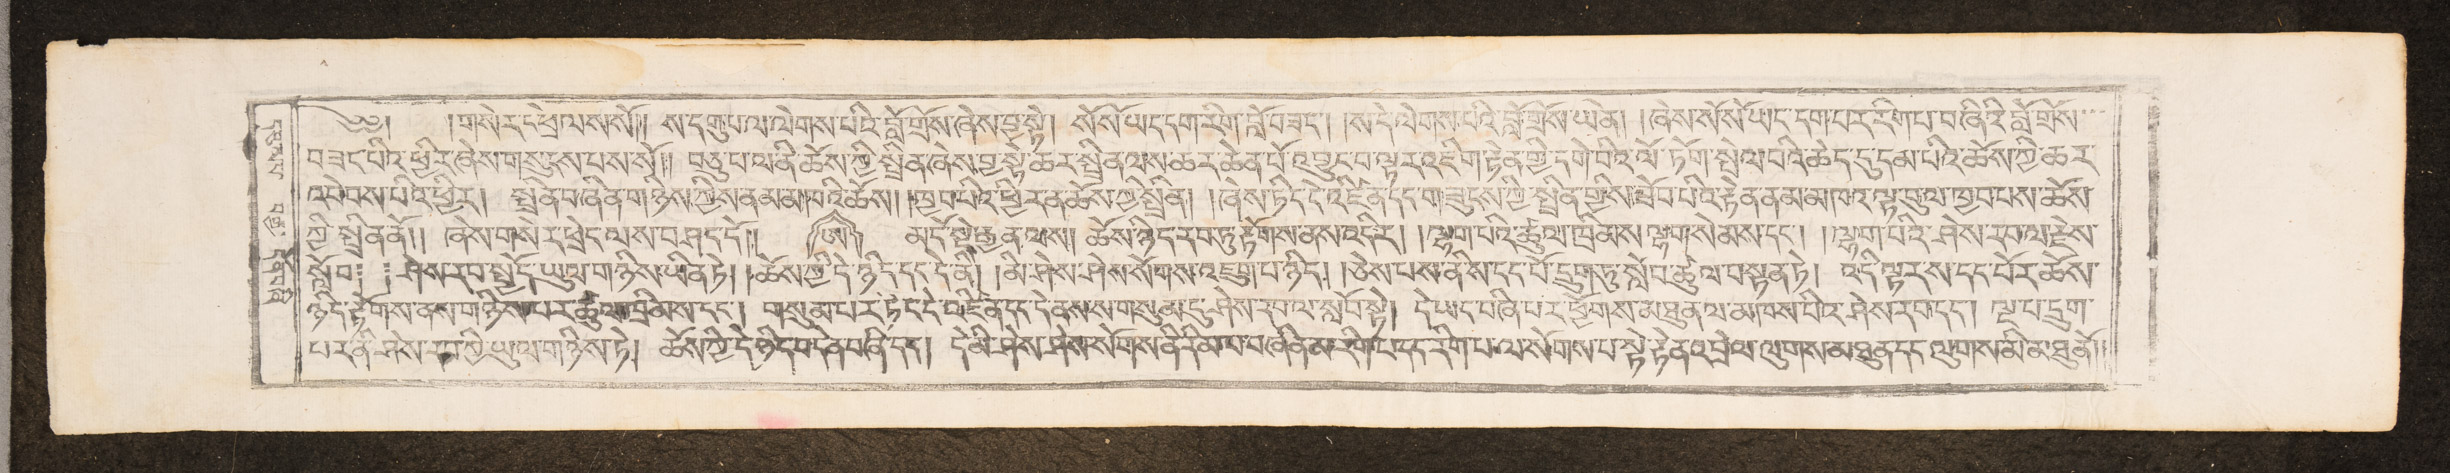༄༅། །གསེར་ཕྲེང་ལས་སོ།། ས་དགུ་པ་ལ་ལེགས་པའི་བློ་གྲོས་ཞེས་བྱ་སྟེ། སོ་སོ་ཡང་དག་རིག་བློ་བཟང་། །ས་དེ་ལེགས་པའི་བློ་གྲོས་ཡིན། །ཞེས་སོ་སོ་ཡང་དག་པར་རིག་པ་བཞིའི་བློ་གྲོས་
བཟང་པའི་ཕྱིར་ཞེས་གསུངས་པས་སོ།། བཅུ་པ་ལ་ནི་ཆོས་ཀྱི་སྤྲིན་ཞེས་བྱ་སྟེ་ཆར་སྤྲིན་ལས་ཆར་ཆེན་པོ་འབྱུང་བ་ལྟར་འཇིག་རྟེན་གྱི་དགེ་བའི་ལོ་ཏོག་སྤེལ་བའི་ཆེད་དུ་དམ་པའི་ཆོས་ཀྱི་ཆར་
འབེབས་པའི་ཕྱིར། སྤྲིན་བཞིན་གཉིས་ཀྱིས་ནམ་མཁའི་ཆོས། །ཁྱབ་པའི་ཕྱིར་ན་ཆོས་ཀྱི་སྤྲིན། །ཞེས་ཏིང་ངེ་འཛིན་དང་གཟུངས་ཀྱི་སྤྲིན་གྱིས་ཐོབ་པའི་རྟེན་ནམ་མཁའ་ལྟ་བུ་ལ་ཁྱབ་པས་ཆོས་
ཀྱི་སྤྲིན་ནོ། །ཞེས་གསེར་ཕྲེང་ལས་བཤད་དོ།། ༼༽ཨ༼༽ མདོ་སྡེ་རྒྱན་ལས། ཆོས་ཉིད་རབ་ཏུ་རྟོགས་ནས་འདིར། །ལྷག་པའི་ཚུལ་ཁྲིམས་ལྷག་སེམས་དང་། །ལྷག་པའི་ཤེས་རབ་ལ་རྗེས་
སློབ༑ ༑ཤེས་རབ་སྤྱོད་ཡུལ་གཉིས་ཡིན་ཏེ། །ཆོས་ཀྱི་དེ་ཉིད་དང་དེ་ནི། །མི་ཤེས་ཤེས་སོགས་འཇུག་པ་ཉིད། །ཅེས་པས་ནི་ས་དང་པོ་དྲུག་ཏུ་སློབ་ཚུལ་བསྟན་ཏེ། འདི་ལྟར་ས་དང་པོར་ཆོས་
ཉིད་རྟོགས་ནས་གཉིས་པར་ཚུལ་ཁྲིམས་དང་། གསུམ་པར་ཏིང་ངེ་འཛིན་དང་དེ་ནས་ས་གསུམ་དུ་ཤེས་རབ་ལ་སློབ་སྟེ། དེ་ཡང་བཞི་པར་ཕྱོགས་མཐུན་ལ་མཁས་པའི་ཤེས་རབ་དང་། ལྔ་པ་དྲུག་
པར་ནི་ཤེས་རབ་ཀྱི་ཡུལ་གཉིས་ཏེ། ཆོས་ཀྱི་དེ་ཉིད་བདེན་བཞི་དང་། དེ་མི་ཤེས་ཤེས་སོགས་ནི་རིམ་པ་བཞིན་མ་རིག་པ་དང་རིག་པ་ལ་སོགས་པ་སྟེ་རྟེན་འབྲེལ་ལུགས་མཐུན་དང་ལུགས་མི་མཐུནོ།།